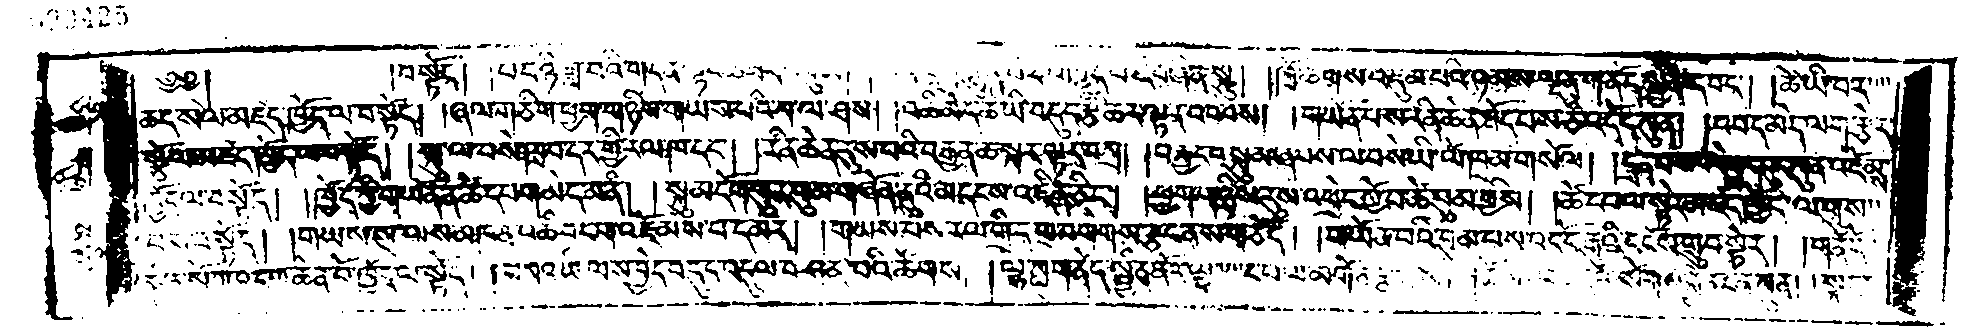༄༅། །བསྟོད། །པད་ཉི་ཟླ་བའི་གདན་སྟེང་ཚ་ཟེར་འབུམ། །པད་རཱ་ག་ལྷུན་པོར་འཁྱུད་པ་ཇི་བཞིན་སྐུ། །ཁྲོ་ཆགས་འཛུམ་པའི་ཉམས་ལྡན་གནོད་སྦྱིན་དབང་། །ཚེ་ཡི་བར་
ཆད་སེལ་མཛད་ཁྱོད་ལ་བསྟོད། །ཞལ་གཅིག་ཕྱག་གཉིས་གཡས་པའི་ཀ་ལ་ཤས། །འཆི་མེད་ཚེ་ཡི་བདུད་རྩི་ཆར་ལྟར་འབེབས། །གཡོན་པས་རིན་ཆེན་ཐོད་པས་ཅི་འདོད་ཀུན། །འབད་མེད་ལག་རྩེར་
སྩོལ་མཛད་ཁྱོད་ལ་བསྟོད། །སྐུ་ལ་བསེ་ཁྲབ་དར་གྱི་རལ་ཁ་དང་། །རིན་ཆེན་རུས་པའི་བརྒྱན་ཆ་སྐར་ལྟར་བཀྲ། །བརྐྱང་བསྐུམ་ཞབས་ལ་བསེ་ཡི་ལོ་ཁྲམ་གསོལ། །དྲན་བས་བགེགས་དཔུང་ཀུན་འཇོམས་
ཁྱོད་ལ་བསྟོད། །ཁྱོད་ཀྱི་གཡོན་ན་ཚེ་དཔག་མེད་མ་ནི། །སྐུ་མདོག་གུར་གུམ་གཞོན་ནུའི་མདངས་འཛིན་ཅིང་། །ཕྱག་གཉིས་རུས་འཕྲེང་ཀྱོ་བ་ཚེ་བུམ་གྱིས། །ཚེ་དཔལ་སྟེར་མཛད་ཁྱོད་ལ་གུས་
པས་བསྟོད། །གཡས་སུ་ལས་མཁན་འཆི་བདག་འཇོམས་པ་དམར། །གཡས་པས་རལ་གྲི་དགྲ་བགེགས་རྩང་ནས་གཅོད། །གཡོན་པའི་བུམ་པས་འདོད་རྒུའི་དངོས་གྲུབ་སྟེར། །གནོད་
སྦྱིན་སྲོག་བདག་ཆེན་པོ་ཁྱོད་ལ་སྟོད། །བཀའ་ཡི་ལས་བྱེད་བདུད་འདུལ་བཤན་པའི་ཚོགས། །ལྷ་ཀླུ་གནོད་སྦྱིན་ནོར་ལྷ་དཔལ་མགོན་རྣམས། །ཚེ་ཡི་བར་ཆད་ལ་སོགས་རྐྱེན་ངན་ཀུན། །སྐད་